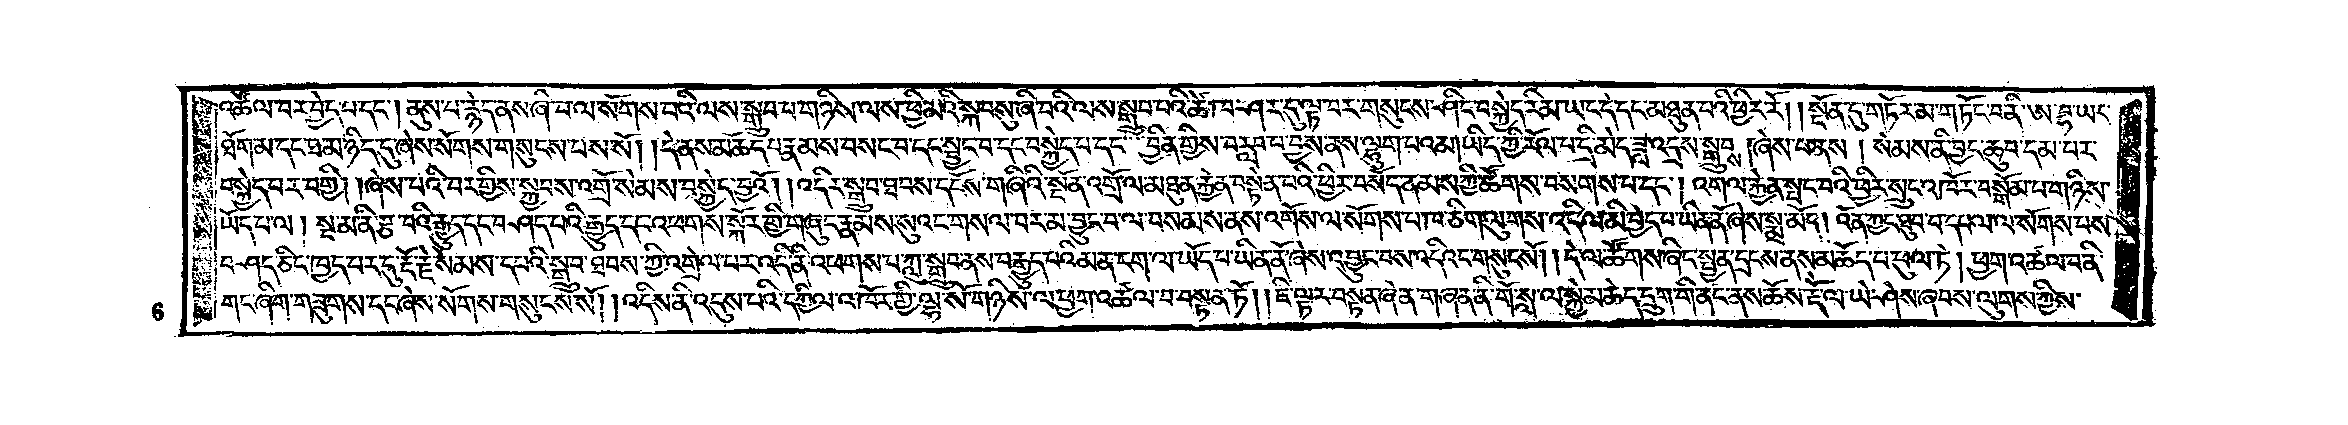འཚོལ་བར་བྱེད་པ་དང་། ནུས་པ་རྙེད་ནས་ཞི་བ་ལ་སོགས་པའི་ལས་སྒྲུབ་པ་གཉིས་ལས་ཕྱི་མའི་སྐབས་སུ་ཞི་བའི་ལས་སྒྲུབ་པའི་ཚེ་ཁ་ཤར་དུ་ལྟ་བར་གསུངས་ཤིང་བསྐྱེད་རིམ་ཡང་དེ་དང་མཐུན་པའི་ཕྱིར་རོ། །སྔོན་དུ་གཏོར་མ་གཏོང་བ་ནི་ཨ་བྷ་ཡང་
ཐོག་མ་དང་ཐ་མ་ཉིད་དུ་ཞེས་སོགས་གསུངས་པས་སོ། །དེ་ནས་མཆོད་པ་རྣམས་བསང་བ་དང་སྦྱང་བ་དང་བསྐྱེད་པ་དང་བྱིན་གྱིས་བརླབ་པ་བྱས་ནས་ལྷུག་པའམ། ཡིད་ཀྱི་རོལ་པ་དྲི་མེད་ཟླ་འདྲས་སྒྲུབས། ཞེས་པ་ནས། སེམས་ནི་བྱང་ཆུབ་དམ་པར་
བསྐྱེད་པར་བགྱི། །ཞེས་པའི་བར་གྱིས་སྐྱབས་འགྲོ་སེམས་བསྐྱེད་བྱའོ། །འདིར་སྒྲུབ་ཐབས་དངོས་གཞིའི་སྔོན་འགྲོ་ལ་མཐུན་རྐྱེན་བསྟེན་པའི་ཕྱིར་བསོད་ནམས་ཀྱི་ཚོགས་བསགས་པ་དང་། འགལ་རྐྱེན་སྤང་བའི་ཕྱིར་སྲུང་འཁོར་བསྒོམ་པ་གཉིས་
ཡོད་པ་ལ། སྔ་མ་ནི་རྩ་བའི་རྒྱུད་དང་བཤད་པའི་རྒྱུད་དང་འཕགས་སྐོར་གྱི་གཞུང་རྣམས་སུའང་གསལ་བར་མ་བྱུང་བ་ལ་བསམས་ནས་འགོས་ལ་སོགས་པ་ཁ་ཅིག་ལུགས་འདི་ལ་མི་བྱེད་པ་ཡིན་ནོ་ཞེས་སྨྲ་མོད། འོན་ཀྱང་ཐུབ་པ་དཔལ་ལ་སོགས་པས་
བཤད་ཅིང་ཁྱད་པར་དུ་རྡོ་རྗེ་སེམས་དཔའི་སྒྲུབ་ཐབས་ཀྱི་འགྲེལ་པར་འདི་ནི་འཕགས་པ་ཀླུ་སྒྲུབ་ནས་བརྒྱུད་པའི་མན་ངག་ལ་ཡོད་པ་ཡིན་ནོ་ཞེས་འབྱུང་བས་འདིའང་གསུངས་སོ། །དེ་ལ་ཚོགས་ཞིང་སྤྱན་དྲངས་ནས་མཆོད་པ་ཕུལ་ཏེ། ཕྱག་འཚལ་བ་ནི་
གང་ཞིག་གཟུགས་དང་ཞེས་སོགས་གསུངས་སོ། །འདིས་ནི་འདུས་པའི་དཀྱིལ་འཁོར་གྱི་ལྷ་སོ་གཉིས་ལ་ཕྱག་འཚལ་བ་བསྟན་ཏོ། །ཇི་ལྟར་བསྟན་ཞེན་གཞན་ནི་གོ་སླ་ལ་སྐྱེ་མཆེད་དྲུག་གི་ནང་ནས་ཆོས་རྡོ་ལ་ཡེ་ཤེས་ཞབས་ལུགས་ཀྱིས་